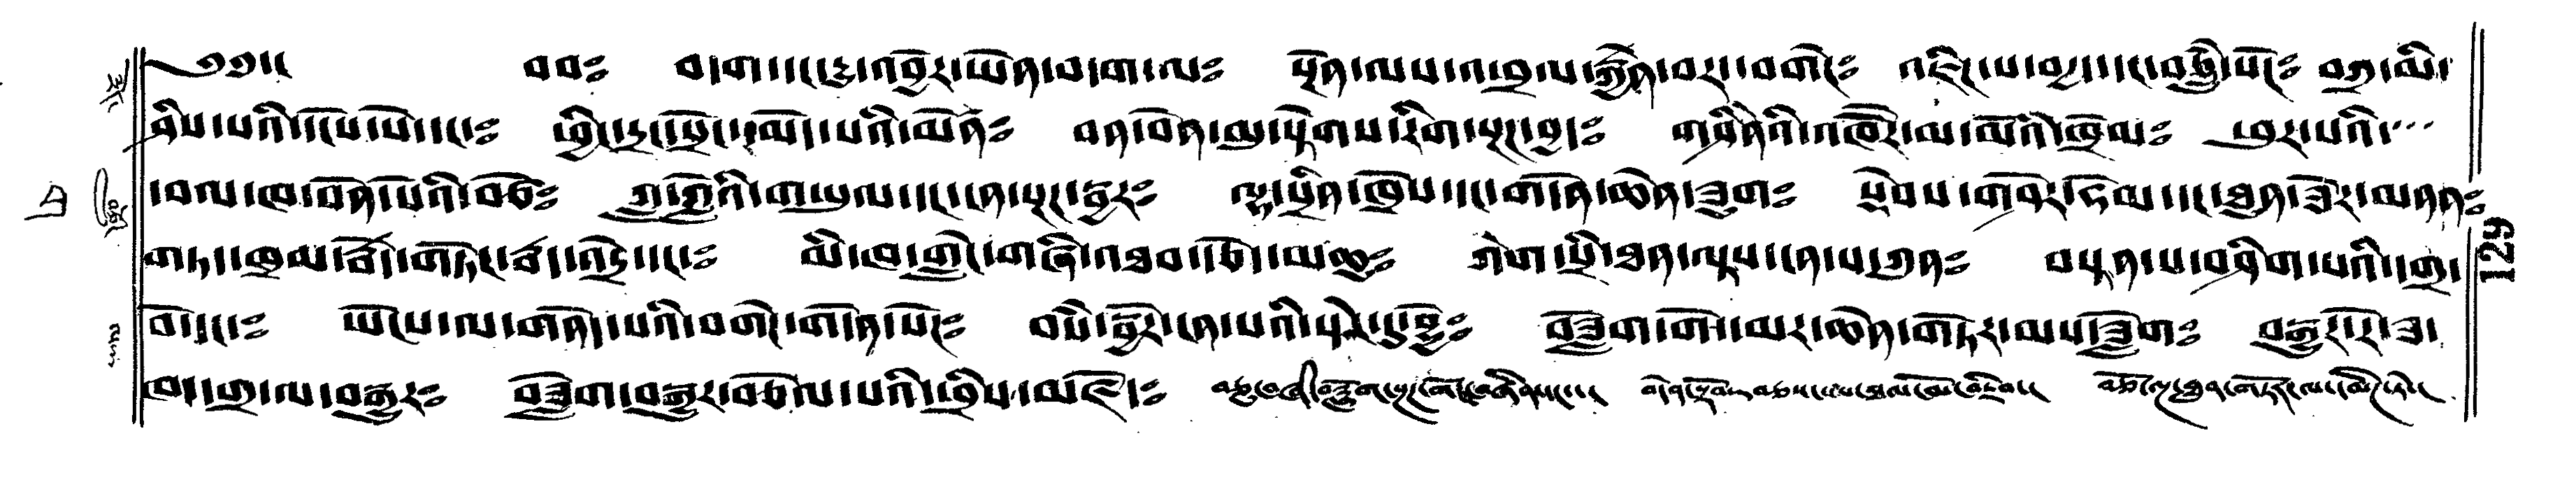བབ༔ བདག་དང་རྒྱུ་སྦྱོར་ཡོན་བདག་ལ༔ སྔོན་ལས་འཕྲལ་རྐྱེན་བར་ཆད་བགེགས༔ འཇིགས་པ་བརྒྱད་དང་བཅུ་དྲུག་སོགས༔ བཀྲ་མི་
ཤིས་པའི་དངོས་པོ་དང༔ ཕྱི་ནང་དྲང་སྲོང་དམོད་པའི་མཚོན༔ བན་བོན་མུ་སྟེགས་རིགས་སྔགས་བྱད༔ གཤིན་རྗེའི་འཁོར་ལོ་མ་མོའི་ཁྲམ༔ ཕུར་པའི་
དབལ་ཁ་བོན་པོའི་བཙོ༔ ཀླ་ཀློའི་གཡུལ་དང་ངན་སྔགས་སྦྱར༔ ལྷ་སྲིན་ཁྲོས་དང་གདོན་ཆེན་ཟུག༔ སྡེབ་གཤོར་ཧོམ་དང་ཐུན་ཟོར་མནན༔ 
གཏད་ཁྲམ་རྦོད་གཏོང་རྦད་དྲེ་དང༔ མི་ཁ་གླེང་གཞི་འཐབ་རྩོད་མཆུ༔ ཀེག་སྲི་ཐན་ལྟས་ངན་པ་ཀུན༔ བསྟན་པ་བཤིག་པའི་དགྲ་
བོ་དང༔ ཡོངས་ལ་གནོད་པའི་བགེགས་གདོན་སོགས༔ བསམ་སྦྱོར་ངན་པའི་སྟེང་དུ་བྷྱོ༔ ཟློག་གོ་དམར་ཆེན་གཏོར་མས་ཟློག༔ སྒྱུར་རོ་ཟ་
ཁ་དགྲ་ལ་སྒྱུར༔ ཟློག་སྒྱུར་བཅོལ་པའི་ཕྲིན་ལས་མཛོད༔ བཅུ་བཞི་བཟློག་སྔགས་གོང་བཞིན་དང་། །བདེན་སྟོབས་བཅས་པས་ཐལ་མོ་རྡེབ། །བཅོ་ལྔ་ཐུན་གཏོར་ལ་དམིགས་ཏེ།